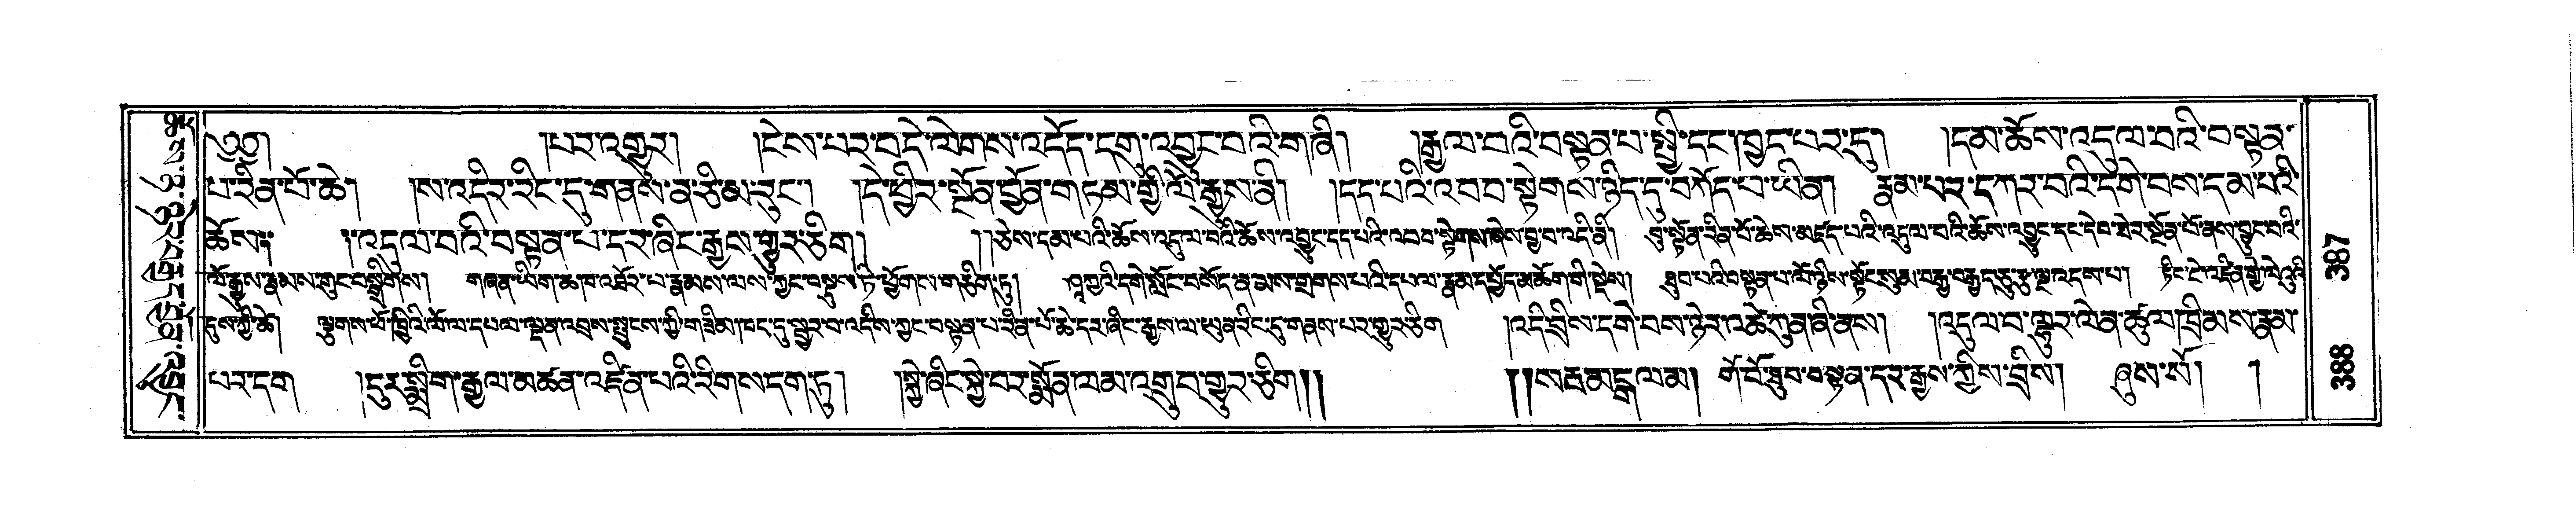༄༅། །པར་འགྱུར། །ངེས་པར་བདེ་ལེགས་འདོད་དགུ་འབྱུང་བའི་གཞི། །རྒྱལ་བའི་བསྟན་པ་སྤྱི་དང་ཁྱད་པར་དུ། །དམ་ཆོས་འདུལ་བའི་བསྟན་
པ་རིན་པོ་ཆེ། །ས་འདིར་རིང་དུ་གནས་ན་ཅི་མ་རུང་། །དེ་ཕྱིར་སྔོན་བྱོན་གཏམ་གྱི་ལོ་རྒྱུས་ནི། །དད་པའི་འབབ་སྟེགས་ཉིད་དུ་བཀོད་པ་ཡིན། རྣམ་པར་དཀར་བའི་དགེ་བས་དམ་པའི་
ཆོས༑ ༑འདུལ་བའི་བསྟན་པ་དར་ཞིང་རྒྱས་གྱུར་ཅིག། །།ཅེས་དམ་པའི་ཆོས་འདུལ་བའི་ཆོས་འབྱུང་དད་པའི་འབབ་སྟེགས་ཞེས་བྱ་བ་འདི་ནི། བུ་སྟོན་རིན་པོ་ཆེས་མཛད་པའི་འདུལ་བའི་ཆོས་འབྱུང་དང་དེབ་ཐེར་སྔོན་པོ་ནས་བྱུང་བའི་
ལོ་རྒྱུས་རྣམས་གུང་བསྒྲིགས། གཞན་ཡིག་ཆ་ཁ་འཐོར་པ་རྣམས་ལས་ཀྱང་བསྡུས་ཏི་ཕྱོགས་གཅིག་ཏུ། ཤྰྐྱའི་དགེ་སློང་བསོད་ནམས་གྲགས་པའི་དཔལ་རྣམ་དཔྱོད་མཆོག་གི་སྡེས། ཐུབ་པའི་བསྟན་པ་ལོ་ཉིས་སྟོང་སུམ་བརྒྱ་བརྒྱད་ཅུ་རྩ་ལྔ་འདས་པ། ཏིང་ངེ་འཛིན་གྱི་ལེའུའི་
དུས་ཀྱི་ཚེ། ལྕགས་ཕོ་ཁྱིའི་ལོ་ལ་དཔལ་ལྡན་འབྲས་སྤུངས་ཀྱི་གཟིམ་ཁང་དུ་སྦྱར་བ་འདིས་ཀྱང་བསྟན་པ་རིན་པོ་ཆེ་དར་ཞིང་རྒྱས་ལ་ཡུན་རིང་དུ་གནས་པར་གྱུར་ཅིག །འདི་བྲིས་དགེ་བས་ཉེར་འཚེ་ཀུན་ཞི་ནས། །འདུལ་བ་ལྷུར་ལེན་ཚུལ་ཁྲིམས་རྣམ་
པར་དག །ངུར་སྨྲིག་རྒྱལ་མཚན་འཛིན་པའི་རིགས་དག་ཏུ། །སྐྱེ་ཞིང་སྐྱེ་བར་སྨོན་ལམ་འགྲུབ་གྱུར་ཅིག།། །།སརྦ་མངྒལ་མ། གོ་བོ་ཐུབ་བསྟན་དར་རྒྱས་ཀྱིས་བྲིས། ཞུས་སོ། །